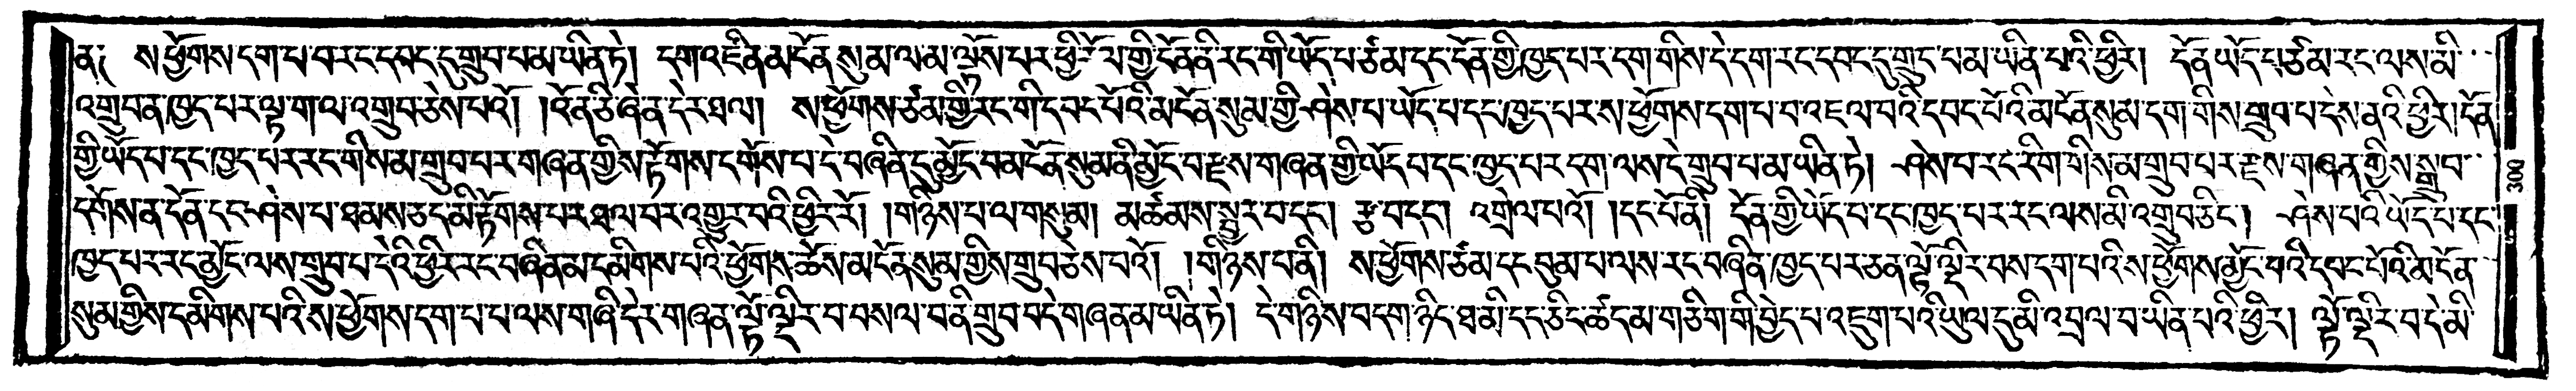ན༑ ས་ཕྱོགས་དག་པ་བ་རང་དབང་དུ་གྲུབ་པ་མ་ཡིན་ཏེ། དག་འཛིན་མངོན་སུམ་ལ་མ་ལྟོས་པར་ཕྱི་རོལ་གྱི་དོན་ནི་རང་གི་ཡོད་པ་ཙམ་དང་དོན་གྱི་ཁྱད་པར་དག་གིས་དེ་དག་རང་དབང་དུ་གྲུབ་པ་མ་ཡིན་པའི་ཕྱིར། དོན་ཡོད་པ་ཙམ་རང་ལས་མི་
འགྲུབ་ན་ཁྱད་པར་ལྟ་ག་ལ་འགྲུབ་ཅེས་པའོ། །འོན་ཅི་ཞེ་ན་དེར་ཐལ། ས་ཕྱོགས་ཙམ་གྱི་རང་གི་དབང་པོའི་མངོན་སུམ་གྱི་ཤེས་པ་ཡོད་པ་དང་ཁྱད་པར་ས་ཕྱོགས་དག་པ་བ་འཇལ་བའི་དབང་པོའི་མངོན་སུམ་དག་གིས་གྲུབ་པ་དེས་ནའི་ཕྱིར། དོན་
གྱི་ཡོད་པ་དང་ཁྱད་པར་རང་གིས་མ་གྲུབ་པར་གཞན་གྱིས་རྟོགས་དགོས་པ་དེ་བཞིན་དུ་མྱོང་བ་མངོན་སུམ་ནི་མྱོང་བ་རྫས་གཞན་གྱི་ཡོད་པ་དང་ཁྱད་པར་དག་ལས་དེ་གྲུབ་པ་མ་ཡིན་ཏེ། ཤེས་པ་རང་རིག་གིས་མ་གྲུབ་པར་རྫས་གཞན་གྱིས་སྒྲུབ་
དགོས་ན་དོན་དང་ཤེས་པ་ཐམས་ཅད་མི་རྟོགས་པར་ཐལ་བར་འགྱུར་བའི་ཕྱིར་རོ། །གཉིས་པ་ལ་གསུམ། མཚམས་སྦྱར་བ་དང་། རྩ་བ་དང་། འགྲེལ་པའོ། །དང་པོ་ནི་དོན་གྱི་ཡོད་བ་དང་ཁྱད་པར་རང་ལས་མི་འགྲུབ་ཅིང་། ཤེས་པའི་ཡོད་པ་དང་
ཁྱད་པར་རང་མྱོང་ལས་གྲུབ་པ་དེའི་ཕྱིར་རང་བཞིན་མ་དམིགས་པའི་ཕྱོགས་ཆོས་མངོན་སུམ་གྱིས་གྲུབ་ཅེས་བའོ། །གཉིས་པ་ནི། ས་ཕྱོགས་ཙམ་དང་བུམ་པ་ལས་རང་བཞིན་ཁྱད་པར་ཅན་ལྷོ་ལྡིར་བས་དག་པའི་ས་ཕྱོགས་མྱོང་བའི་དབང་པོའི་མངོན་
སུམ་གྱིས་དམིགས་པའི་ས་ཕྱོགས་དག་པ་པ་ལས་གཞི་དེར་གཞན་ལྟོ་ལྡིར་བ་བསལ་བ་ནི་གྲུབ་བདེ་གཞན་མ་ཡིན་ཏེ། དེ་གཉིས་བདག་ཉིད་ཐ་མི་དད་ཅིང་ཚད་མ་གཅིག་གི་བྱེད་པ་འཇུག་པའི་ཡུལ་དུ་མི་འབྲལ་བ་ཡིན་པའི་ཕྱིར། ལྟོ་ལྡིར་བ་དེ་མི་